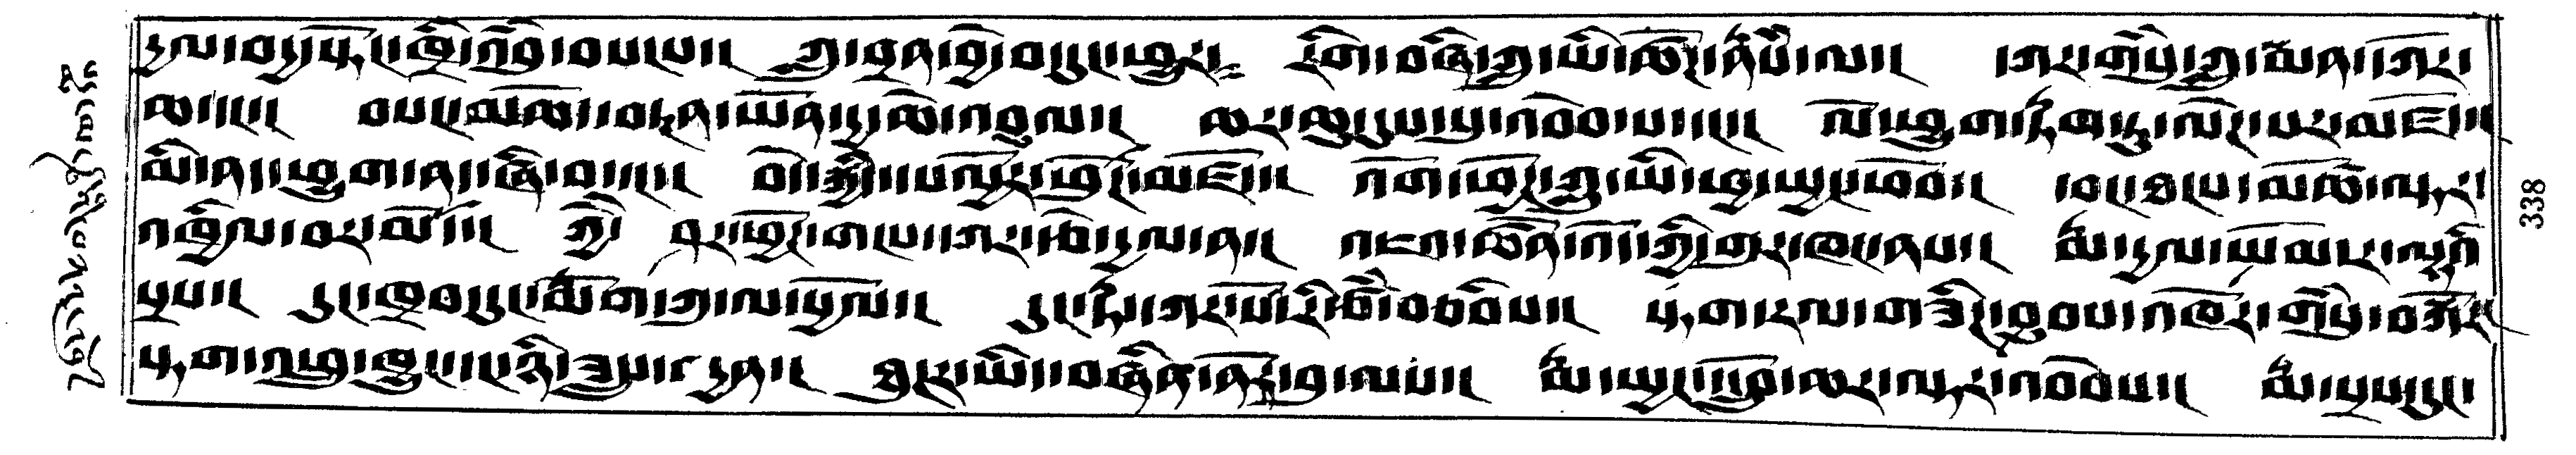རྒྱལ་བརྒྱ་སྟོང་ཁྲི་འབུམ་བསང་། །ཀླུ་བྲན་བྱེ་བ་དུང་ཕྱུར༴ རིགས་བཞི་ཀླུ་ཡི་ཚོགས་རྣམས་ལ། །དཀར་གསུམ་ཀླུ་སྨན་དཀོར་
ཆ་དང་། །བསང་མཆོད་རྔན་ཡོན་རྒྱ་ཆེར་འབུལ། །ཆར་ཆུ་དུས་སུ་འབེབས་པ་དང་། །ལོ་ཕྱུགས་རྟག་ཏུ་ལེགས་པར་མཛོད། །
མི་ནད་ཕྱུགས་ནད་ཞི་བ་དང་། །བདེ་སྐྱིད་དཔལ་འབྱོར་ཕུན་ཚོགས་མཛོད། །འོག་ཕྱོགས་ཀླུ་ཡི་ཕྱྭ་གཡང་ཕོབ། །དབང་ཐང་མཚོ་ལྟར་
འཁྱིལ་བར་མཛོད། ཀྱཻ། ཤར་ཕྱོགས་གངས་དཀར་རྩེ་རྒྱལ་ན། །འཇའ་ཚོན་འོད་ཀྱི་གུར་ཁང་ནས། །རྨ་རྒྱལ་སྤོམ་ར་ལྷ་ཡི་
སྲས། །དུང་ཁྲབ་དུང་རྨོག་སྐུ་ལ་གསོལ། །དུང་རྟ་དཀར་པོ་རི་ཙམ་བཅིབས།སྟག་རལ་གཟིགས་ཤུབས་འཁོར་གསུམ་བསྐོར། 
སྟག་འཕྲུ་ཁྱུང་དང་ཉི་ཟླས་བརྒྱན། །ཐུགས་དཀར་ཡིད་བཞིན་ནོར་བུ་ལས། །རྨ་གཡང་དངོས་གྲུབ་ཆར་ལྟར་འབེབས། །རྨ་སྲས་དུང་